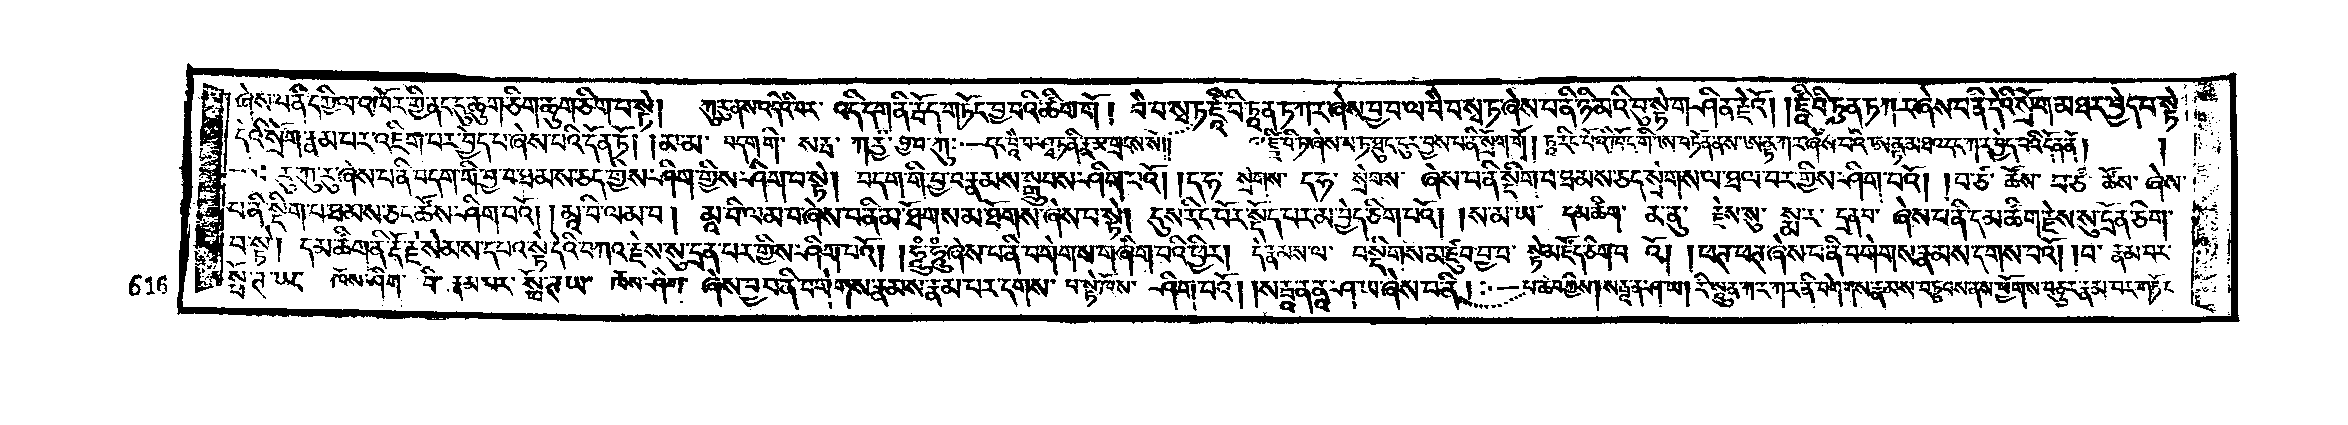ཞེས་པ་ནི་དཀྱིལ་འཁོར་གྱི་ནང་དུ་ཆུག་ཅིག་ཆུག་ཅིག་པ་སྟེ། ཀུ་རུ་ནས་འདིའི་བར་འདི་དག་ནི་རྦོད་གཏོང་བྱ་བའི་ཚིག་གོ །བཻ་བ་སྭ་ཏ་ཛཱི་བི་ཏཱན་ཏ་ཀ་ར་ཞེས་བྱ་བ་ལ་བཻ་བ་སྭ་ཏ་ཞེས་པ་ནི་ཉི་མའི་བུ་སྟེ་གཤིན་རྗེའོ། །ཛཱི་བི་ཏཱན་ཏ་ཀ་ར་ཞེས་པ་ནི་དེའི་སྲོག་མཐར་བྱེད་པ་སྟེ།
དེའི་སྲོག་རྣམ་པར་འཇིག་པར་བྱེད་པ་ཞེས་པའི་དོན་ཏོ། །མ་མ་བདག་གི་སརྦ་ཀ་རྱཾ་བྱ་བ་ཀུཿ་དང་བEཨེ་བ་ཤྭ་ཏ་ནི་རྣམ་གྲངས་སོ།། ༧ཛཱི་བི་ཏ་ཞེས་པ་ཏ་ཐུང་ངུར་བྱས་པ་ནི་སྲོག་གོ །ཏཱ་རིང་པོའི་ཁོང་གི་ཨ་བཏོན་ནས་ཨནྟ་ཀ་ར་ཞེས་པའི་ཨནྟ་མཐའ་དང་ཀ་ར་བྱེད་པའི་དོན་ནོ། །
.H རུ་ཀུ་རུ་ཞེས་པ་ནི་བདག་གི་བྱ་བ་ཐམས་ཅད་གྱིས་ཤིག་གྱིས་ཤིག་པ་སྟེ། བདག་གི་བྱ་བ་རྣམས་སྒྲུབས་ཤིག་པའོ། །ད་ཧ་སྲེགས་ད་ཧ་སྲེགས་ཞེས་པ་ནི་སྡིག་པ་ཐམས་ཅད་སྲེགས་ལ་ཐལ་བར་གྱིས་ཤིག་པའོ། །པ་ཙ་ཚོས་པ་ཙ་ཚོས་ཞེས་
པ་ནི་སྡིག་པ་ཐམས་ཅད་ཚོས་ཤིག་པའོ། །མཱ་བི་ལམ་བ། མཱ་བི་ལམ་བ་ཞེས་པ་ནི་མ་ཐོགས་མ་ཐོགས་ཞེས་པ་སྟེ། དུས་རིང་པོར་སྡོད་པར་མ་བྱེད་ཅིག་པའོ། །ས་མ་ཡ་དམ་ཚིག་མ་ནུ་རྗེས་སུ་སྨ་ར་དྲན་པ་ཞེས་པ་ནི་དམ་ཚིག་རྗེས་སུ་དྲོན་ཅིག་
པ་སྟེ། དམ་ཚིག་ནི་རྡོ་རྗེ་སེམས་དཔའ་སྟེ་དེའི་བཀའ་རྗེས་སུ་དྲན་པར་གྱིས་ཤིག་པའོ། །ཧཱུཾ་ཧཱུཾ་ཞེས་པ་ནི་བགེགས་གཞིག་པའི་ཕྱིར། དེ་རྣམས་ལ་བསྡིགས་མཛུབ་བྱ་བ་སྟེ་མཛོད་ཅིག་པའོ། །ཕཊ་ཕཊ་ཞེས་པ་ནི་བགེགས་རྣམས་དགོས་པའོ། །བི་རྣམ་པར་
སྥོ་ཊ་ཡ་ཁོས་ཤིག་བི་རྣམ་པར་སྥོ་ཊ་ཡ་ཁོས་ཤིག་ཞེས་བྱ་བ་ནི་བགེགས་རྣམས་རྣམ་པར་དགོས་པ་སྟེ་ཁོས་ཤིག་པའོ། །སརྦཱ་ན་ནཱ་ཤ་ཡ་ཞེས་པ་ནི། H.་པ་ཚབ་ཀྱིས། སརྦཱ་ན་ཤ་ཡ། རི་སཱུ་ན་ཀ་ར་ཀ་ར་ནི་བགེགས་རྣམས་བཏུབས་ནས་ཕྱོགས་བཅུར་རྣམ་པར་གཏོར་